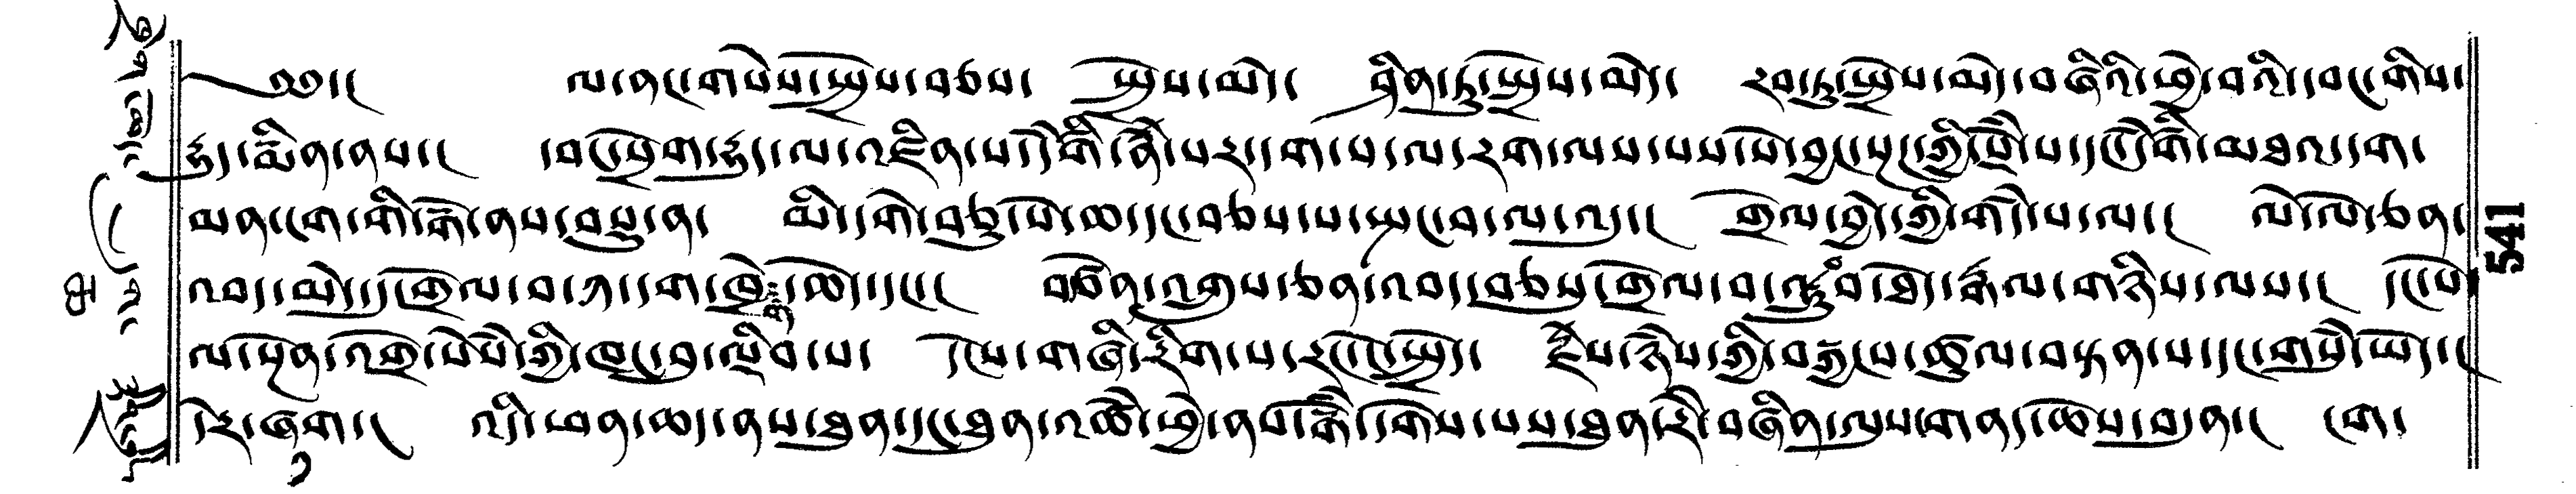ལ་ནང་གསེས་སྤྲོས་བཅས། སྤྲོས་མེད། ཤིན་ཏུ་སྤྲོས་མེད། རབ་ཏུ་སྤྲོས་མེད་བཞིའི་ཕྱེ་བའི་དབང་གིས་
རྒྱུད་སྨིན་ནས། དབང་སྲོག་རྒྱུད་ལ་འཛིན་པ་དམ་ཚིག་རྣམ་པར་དག་པ་ལ་རག་ལས་པས་སོ་བྱང་སྔགས་ཀྱི་སྡོམ་པ་དང་དམ་ཚིག་མཐའ་དག་
མན་ངག་གི་སྒོ་ནས་བསྡུ་ན། མི་དགེ་བཅུ་པོ་ཆ་དང་བཅས་པ་སྤོང་བ་ལ་འདུ། གྲོལ་བྱེད་ཀྱི་གདམས་པ་ལ། ལེ་ལོ་ཅན་
འབད་མེད་དུ་གྲོལ་བ་ཀ་དག་ཁྲེགས་ཆོད་དང་། བརྩོན་འགྲུས་ཅན་འབད་བཅས་སུ་གྲོལ་བ་ལྷུན་གྲུབ་ཐོད་རྒལ་གཉིས་ལས། དང་པོ་
ལ། སྔོན་འགྲོ་སེམས་ཀྱི་ཁང་བུ་གཏིབ་པ། དངོས་གཞི་རིག་པ་རང་ངོ་སྤྲོད་པ། རྗེས་ཉམས་ཀྱིས་བསྐྱང་ཚུལ་བསྟན་པ་དང་གསུམ་ཡོད།
དེར་ཞག་གཅིག འདི་ཕན་ཆད་ནས་ཐུན་དང་ཐུན་མཚམས་ཕྱེ་ནས་བསྒོམ་དགོས་པས་ཐུན་རེ་རེ་བཞིན་ལུས་གནད་ཆོས་བདུན། ངག་